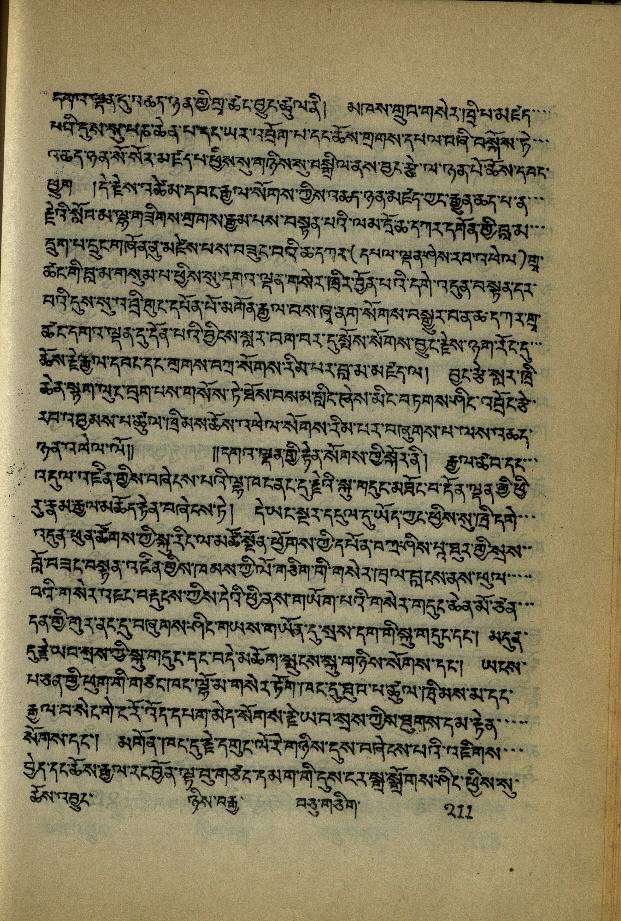དགའ་ལྡན་དུ་འཆད་ཉན་གྱི་གྲྭ་ཚང་བྱུང་ཚུལ་ནི། མཁས་གྲུབ་གསེར་ཁྲི་པ་མཛད་
པའི་དུས་སུ་པཎ་ཆེན་པ་དང་ཡར་འབྲོག་པ་དང་ཆོས་གྲགས་དཔལ་བཞི་བསྐོས་ཏེ་
འཆད་ཉན་སོ་སོར་མཛད་པ་ཕྱིས་སུ་གཉིས་སུ་བསྒྲིལ་ནས་བྱང་རྩེ་ལ་ཉན་པོ་ཆོས་དབང་
ཕྱུག །དེ་རྗེས་འཚེམ་དབང་རྒྱལ་སོགས་ཀྱིས་འཆད་ཉན་མཛད་ཀྱང་རྒྱུན་ཆད་པ་ན་
རྗེའི་སློབ་མ་ལྷ་གཟིགས་གྲགས་རྒྱམ་པས་བསྟན་པའི་ལམ་དྲོ་ཆ་དཀར་དགོན་གྱི་བླ་མ་
དྲུག་པ་དྲུང་གཞོན་ནུ་མཛེས་པས་བཟུང་བའི་ཆ་དཀར་་དཔལ་ལྡན་ཤེས་རབ་འཕེལ་གྲྭ་
ཚང་གི་བླ་མ་གསུམ་པ་ཕྱིས་སུ་དགའ་ལྡན་གསེར་ཁྲིར་བྱོན་པའི་དགེ་འདུན་བསྟན་དར་
བའི་དུས་སུ་འབྲི་གུང་དཔོན་པོ་མགོན་རྒྱལ་བས་ཞྭ་ནག་སོགས་བསྒྱུར་བ་ན་ཆ་དཀར་གྲྭ་
ཚང་དགའ་ལྡན་དུ་དོན་པའི་བྱིངས་སླར་བག་བར་དུ་སྤོས་སོགས་བྱུང་རྗེས་ཉག་རོང་དུ་
ཆོས་རྗེ་རྒྱལ་དབང་དང་གྲགས་བཀྲ་སོགས་རིམ་པར་བླ་མ་མཛད་ལ། བྱང་རྩེ་སླར་ཁྲི་
ཆེན་སྟག་ལུང་བྲག་པས་གསོས་ཏེ་ཐོས་བསམ་གླིང་ཞེས་མིང་བཏགས་ཤིང་འབྲོང་རྩེ་
རབ་འབྱམས་པ་ཚུལ་ཁྲིམས་ཆོས་འཕེལ་སོགས་རིམ་པར་བཞུགས་པ་ལས་འཆད་
ཉན་འཕེལ་ལོ།། །།དགའ་ལྡན་གྱི་རྟེན་སོགས་ཀྱི་སྐོར་ནི། རྒྱལ་ཚབ་དང་
འདུལ་འཛིན་གྱིས་བཞེངས་པའི་ལྷ་ཁང་ནང་དུ་རྗེའི་སྐུ་གདུང་མཐོང་བ་དོན་ལྡན་གྱི་ཕྱི་
རུ་རྣམ་རྒྱལ་མཆོད་རྟེན་བཞེངས་ཏེ། དེ་ཡང་སྔར་དངུལ་དུ་ཡོད་ཀྱང་ཕྱིས་སུ་ཁྲི་དགེ་
འདུན་ཕུན་ཚོགས་ཀྱི་སྐུ་རིང་ལ་མཚོ་སྔོན་ཕྱོགས་ཀྱི་དཔོན་བཀྲ་ཤིས་པཱ་ཐུར་གྱི་སྲས་
བློ་བཟང་བསྟན་འཛིན་གྱིས་མཁས་ཀྱི་ལོ་གཅིག་གི་གསེར་ཁྲལ་བླངས་ནས་ཕུལ་
བའི་གསེར་འཇང་བརྡུངས་ཀྱིས་དེའི་ཕྱི་ནས་གཡོག་པའི་གསེར་གདུང་ཆེན་མོ་ཙན་
དན་གྱི་གུར་ནང་བཞུགས་ཤིང་གཡས་གཡོན་དུ་སྲས་དག་གིས་སྐུ་གདུང་དང་།མ་མདུན་
དུ་རྗེ་ཡབ་སྲས་ཀྱི་སྐུ་གདུང་དང་བདེ་མཆྒོ་སྤུངས་སྐུ་གཉིས་སོགས་དང་། ཡངས་
པ་ཅན་གྱི་ཕུག་གི་གཙང་ཁང་ལྷོ་མ་གསེར་ཏོག་ཁང་དུ་ཐུབ་པ་ཚུལ་ཁྲིམས་མ་དང་
རྒྱལ་བ་སེང་གེ་ང་རོ་འོད་དཔག་མེད་སོགས་རྗེ་ཡབ་སྲས་ཀྱིས་ཐུགས་དམ་རྟེན་
སོགས་དང་། མགོན་ཁང་དུ་རྗེ་དགུང་ལོ་རེ་གཉིས་དུས་བཞེངས་པའི་འཇིགས་
བྱེད་དང་ཆོས་རྒྱལ་རང་བྱོན་ལྟ་བུ་གཙང་དམག་གི་དུས་ངར་སྒྲ་སྒྲོགས་ཤིང་ཕྱིས་སུ་